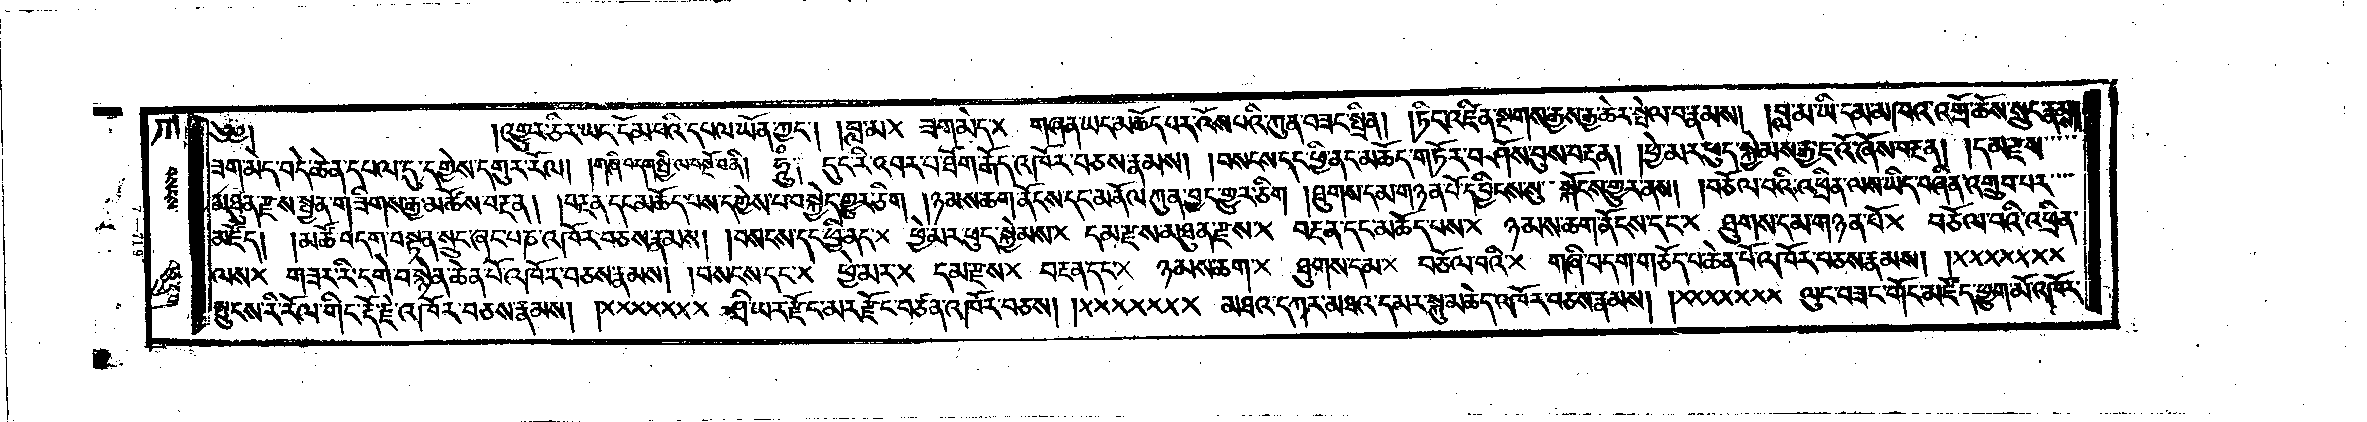༄༅། །འགྱུར་ཅིར་ཡང་ངོམ་པའི་དཔལ་ཡོན་ཀྱང་། །བླ་མ་྾་ཟག་མེད་྾་གཞན་ཡང་མཆོད་པར་འོས་པའི་ཀུན་བཟང་སྤྲིན། །ཏིང་འཛིན་སྔགས་རྒྱས་རྒྱ་ཆེར་སྤེལ་བ་རྣམས། །བླ་མ་ཡི་དམ་མཁའ་འགྲོ་ཆོས་སྲུང་རྣམས་
ཟག་མེད་བདེ་ཆེན་དཔལ་དུ་དགྱེས་དགུར་རོལ། །གཞི་བདག་སྤྱི་ལ་བསྔོ་བ་ནི།  ཧཱུཾ༑ དུང་རི་འབར་བ་ཐོག་རྒོད་འཁོར་བཅས་རྣམས། །བསངས་དང་ཕྱི་ནང་མཆོད་གཏོར་བཤོས་བུས་བརྔན། །ཕྱེ་མར་ཕུད་སྐྱེམས་རྒྱ་ཇའོ་ཞོས་བརྔན། །དམ་རྫས་
མཐུན་རྫས་སྤྱན་གཟིགས་རྒྱ་མཚོས་བརྔན། །བརྔན་དང་མཆོད་པས་དགྱེས་པ་བསྐྱེད་གྱུར་ཅིག །ཉམས་ཆག་ནོངས་དང་མནོལ་ཀུན་བྱང་གྱུར་ཅིག །ཐུགས་དམ་གཉན་པོ་དབྱིངས་སུ་བསྐོངས་གྱུར་ནས། །བཅོལ་བའི་འཕྲིན་ལས་ཡིད་བཞིན་འགྲུབ་པར་
མཛོད། །མཚོ་བདག་བསྟན་སྲུང་ཞང་པཎ་འཁོར་བཅས་རྣམས། །བསངས་དང་ཕྱི་ནང་྾་ཕྱེ་མར་ཕུད་སྐྱེམས་྾་དམ་རྫས་མཐུན་རྫས་྾་བརྔན་དང་མཆོད་པས་྾་ཉམས་ཆག་ནོངས་དང་྾་ཐུགས་དམ་གཉན་པོ་྾་བཅོལ་བའི་འཕྲིན་
ལས་྾་གཟར་རི་དགེ་བསྙེན་ཆེན་པོ་འཁོར་བཅས་རྣམས། །བསངས་དང་྾་ཕྱེ་མར་྾་དམ་རྫས་྾་བརྔན་དང་྾་ཉམས་ཆག་྾་ཐུགས་དམ་྾་བཅོལ་བའི་྾་གཞི་བདག་གཅོད་པ་ཆེན་པོ་འཁོར་བཅས་རྣམས། །྾྾྾་
སྤུངས་རི་རོལ་གིང་རྡོ་རྗེ་འཁོར་བཅས་རྣམས། །྾྾྾་ཤྲི་ཡར་རྫོང་མར་རྫོང་བཙན་འཁོར་བཅས། །྾྾྾་མཐའ་དཀར་མཐའ་དམར་སྐུ་མཆེད་འཁོར་བཅས་རྣམས། །྾྾྾་ལུང་བཟང་གོང་མཛོད་ཕྱུག་མོ་འཁོར་